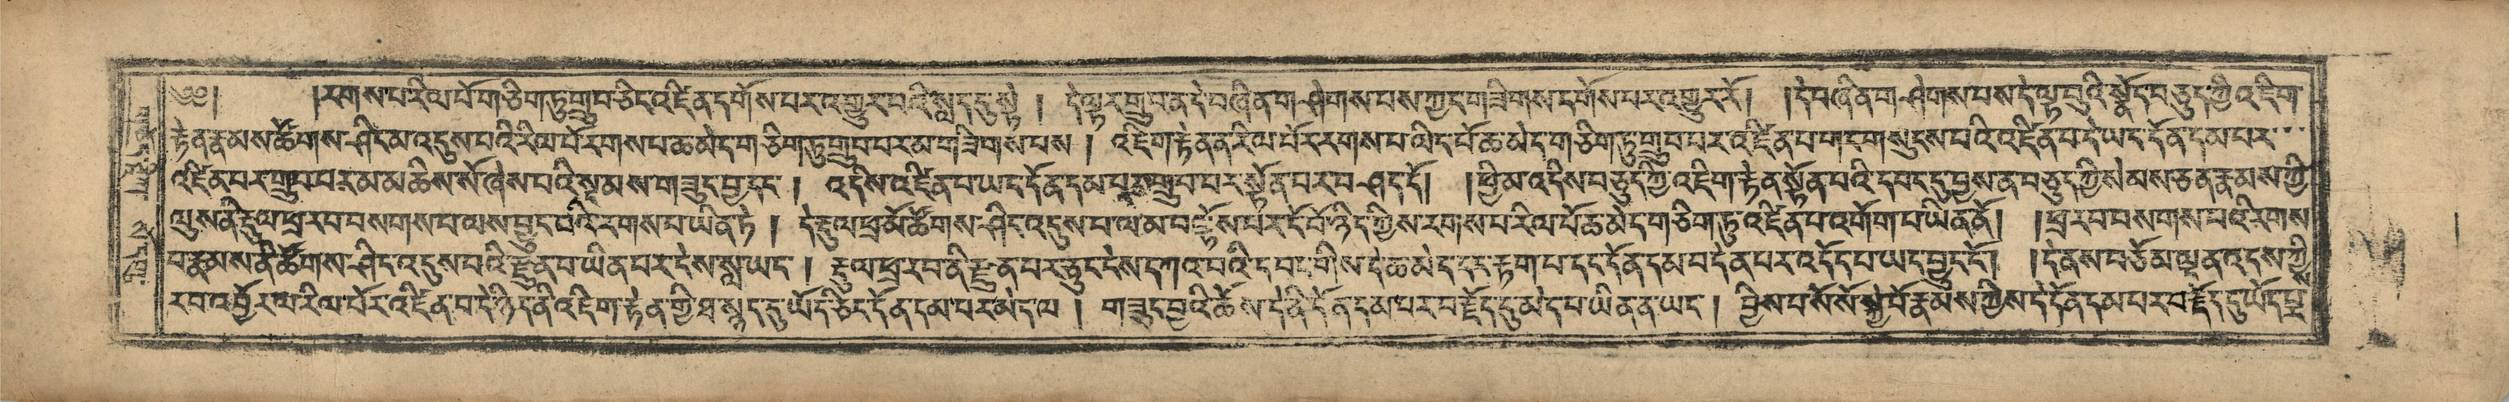༄༅། །རགས་པ་རིལ་པོ་གཅིག་ཏུ་གྲུབ་ཅིང་འཛིན་དགོས་པར་འགྱུར་བའི་སླད་དུ་སྟེ། དེ་ལྟར་གྲུབ་ན་དེ་བཞིན་གཤེགས་པས་ཀྱང་གཟིགས་དགོས་པར་འགྱུར་རོ། །དེ་བཞིན་གཤེགས་པས་དེ་ལྟ་བུའི་སྣོད་བཅུད་ཀྱི་འཇིག་
རྟེན་རྣམས་ཚོགས་ཤིང་མ་འདུས་པའི་རིལ་པོ་རགས་པ་ཆ་མེད་གཅིག་ཏུ་གྲུབ་པར་མ་གཟིགས་པས། འཇིག་རྟེན་ན་རིལ་པོར་རགས་པ་ལིང་?་པོ་ཆ་མེད་གཅིག་ཏུ་གྲུབ་པར་འཛིན་པ་གང་གསུངས་པའི་འཛིན་པ་དེ་ཡང་དོན་དམ་པར་
འཛིན་པར་གྲུབ་པར་མ་མཆིས་སོ་ཞེས་པའི་སྔ་མས་གཟུང་བྱ་དང་། འདིས་འཛིན་པ་ཡང་དོན་དམ་པར་གྲུབ་པར་སྟོན་པར་བཤད་དོ། །ཕྱི་མ་འདིས་བཅུད་ཀྱི་འཇིག་རྟེན་སྟོན་པའི་དབང་དུ་བྱས་ན་བཅུད་ཀྱི་སེམས་ཅན་རྣམས་ཀྱི་
ལུས་ནི་རྡུལ་ཕྲ་རབ་བསགས་པ་ལས་བྱུང་བའི་རགས་པ་ཡིན་ཏེ། དེ་རྡུལ་ཕྲ་མོ་ཚོགས་ཤིང་འདུས་པ་ལ་མ་བལྟོས་པར་ངོ་བོ་ཉིད་ཀྱིས་རགས་པ་རིལ་པོ་ཆ་མེད་གཅིག་ཏུ་འཛིན་པ་འགོག་པ་ཡིན་ནོ། །ཕྲ་རབ་བསགས་པའི་རགས་
པ་རྣམས་ནི་ཚོགས་ཤིང་འདུས་པའི་རྫུན་པ་ཡིན་པར་ངེས་སླ་ཡང་། རྡུལ་ཕྲ་རབ་ནི་རྫུན་པར་ཆུང་ངེས་དཀའ་བའི་དབང་གིས་དེ་ཆ་མེད་དང་རྟག་པ་དང་དོན་དམ་བདེན་པར་འདོད་པ་ཡང་བྱུང་ངོ། །དེ་ནས་བཅོམ་ལྡན་འདས་ཀྱིས་
རབ་འབྱོར་ལ་རིལ་པོར་འཛིན་པ་དེ་ཉིད་ནི་འཇིག་རྟེན་གྱི་ཐ་སྙད་དུ་ཡོད་ཅིང་དོན་དམ་པར་མེད་ལ། གཟུང་བྱའི་ཆོས་དེ་ནི་དོན་དམ་པར་བརྗོད་དུ་མེད་པ་ཡིན་ན་ཡང་། བྱིས་པ་སོ་སོ་སྐྱེ་བོ་རྣམས་ཀྱིས་དེ་དོན་དམ་པར་བརྗོད་དུ་ཡོད་པར་